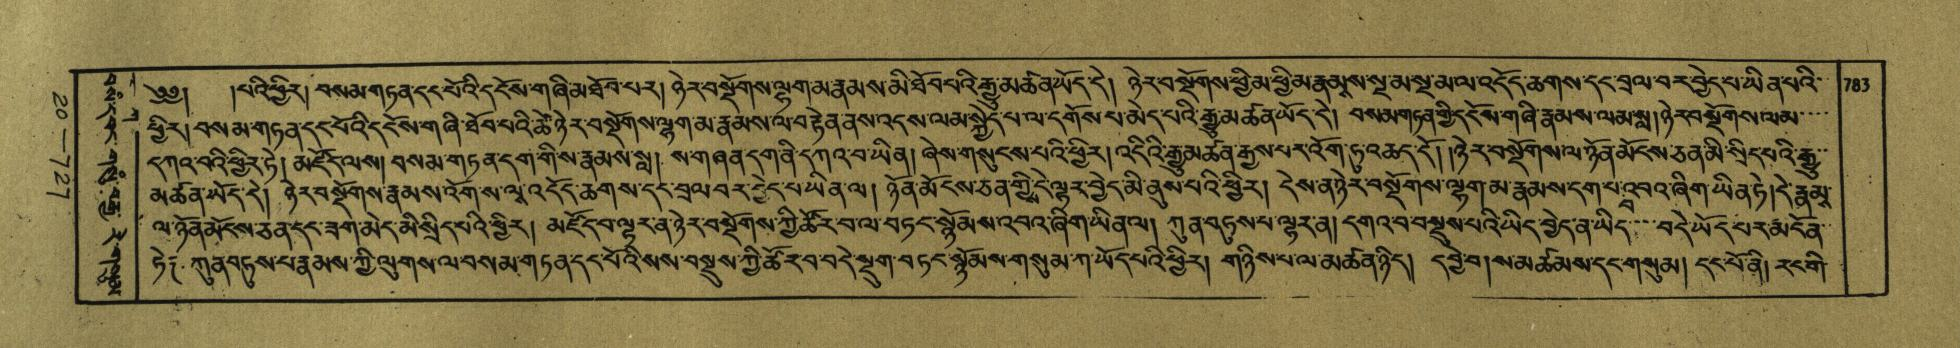༄༅། །པའི་ཕྱིར། བསམ་གཏན་དང་པོའི་དངོས་གཞི་མཐོབ་པར། ཉེར་བསྔོགས་ལྷག་མ་རྣམས་མི་ཐོབ་པའི་རྒྱུ་མཚན་ཡོད་དེ། ཉེར་བསྔོགས་ཕྱི་མ་ཕྱི་མ་རྣམས་སྔ་མ་སྔ་མ་ལ་འདོད་ཆགས་དང་བྲལ་བར་བྱེད་པ་ཡིན་པའི་
ཕྱིར། བསམ་གཏན་དང་པོའི་དངོས་གཞི་ཐོབ་པའི་ཚེ་ཉེར་བསྔོགས་ལྷག་མ་རྣམས་ལ་བརྟེན་ནས་འདས་ལམ་སྐྱེད་པ་ལ་དགོས་པ་མེད་པའི་རྒྱུ་མཚན་ཡོད་དེ། བསམ་གཏན་གྱི་དངོས་གཞི་རྣམས་ལམ་སླ། ཉེར་བསྔོགས་ལམ་
དཀའ་བའི་ཕྱིར་ཏེ། མཛོད་ལས། བསམ་གཏན་དག་གི་ས་རྣམས་སླ། ས་གཞན་དག་ནི་དཀའ་བ་ཡིན། ཞེས་གསུངས་པའི་ཕྱིར། འདིའི་རྒྱུ་མཚན་རྒྱས་པར་འོག་ཏུ་འཆད་དོ། །ཉེར་བསྔོགས་ལ་ཉོན་མོངས་ཅན་མི་སྲིད་པའི་རྒྱུ་
མཚན་ཡོད་དེ། ཉེར་བསྔོགས་རྣམས་འོག་ས་ལས་འདོད་ཆགས་དང་བྲལ་བར་བྱེད་པ་ཡིན་ལ། ཉོན་མོངས་ཅན་གྱིས་དེ་ལྟར་བྱེད་མི་ནུས་པའི་ཕྱིར། དེས་ན་ཉེར་བསྔོགས་ལྷག་མ་རྣམས་དག་པ་བ་འབའ་ཞིག་ཡིན་ཏེ། དེ་རྣམས་
ལ་ཉོན་མོངས་ཅན་དང་ཟག་མེད་མི་སྲིད་པའི་ཕྱིར། མཛོད་པ་ལྟར་ན་ཉེར་བསྔོགས་ཀྱི་ཚོར་བ་ལ་བཏང་སྙོམས་འབའ་ཞིག་ཡིན་ལ། ཀུན་བཏུས་པ་ལྟར་ན། དགའ་བ་བསྡུས་པའི་ཡིད་བྱེད་ན་ཡིད་བདེ་ཡོད་པར་མངོན་
ཏེ༑ ཀུན་བཏུས་པ་རྣམས་ཀྱི་ལུགས་ལ་བསམ་གཏན་དང་པོའི་སས་བསྡུས་ཀྱི་ཚོར་བ་བདེ་སྡུག་བཏང་སྙོམས་གསུམ་ཀ་ཡོད་པའི་ཕྱིར། གཉིས་པ་ལ་མཚན་ཉིད། དབྱེ་བ། ས་མཚམས་དང་གསུམ། དང་པོ་ནི། རང་གི་